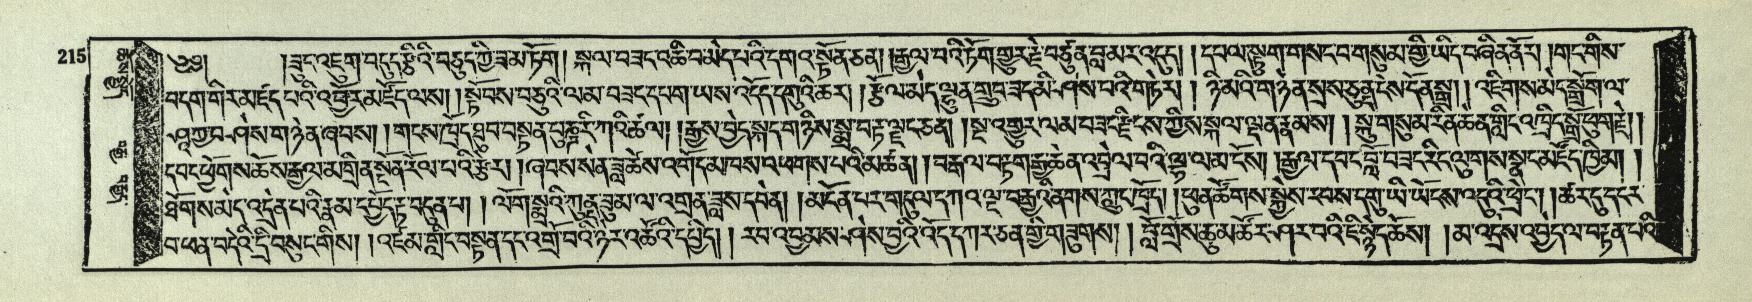༄༅། །ཟུང་འཇུག་བདུད་རྩིའི་བཅུད་ཀྱི་ཟ་མ་ཏོག །སྐལ་བཟང་འཆི་བ་མེད་པའི་དགའ་སྟོན་ཅན། །རྒྱལ་བའི་ཏོག་གྱུར་རྗེ་བཙུན་བླ་མར་འདུད། །དཔལ་སྟུག་གསང་བ་གསུམ་གྱི་ཡིད་བཞིན་ནོར། །གང་གིས་
བདག་གིར་མཛད་པའི་འབྱོར་མཛོད་ལས། །སྟོབས་བཅུའི་ལམ་བཟང་དཔག་ཡས་འདོད་དགུའི་ཆར། །རྩོལ་མེད་ལྷུན་གྲུབ་ཟད་མི་ཤེས་པའི་གཏེར། །ཉི་མའི་གཉེན་སྲས་ཅུནྡ་ངེས་དོན་སྒྲ། །འཇིགས་མེད་སྒྲོག་ལ་
ཤཱཀྱ་བཤེས་གཉེན་ཞབས། །གངས་ཁྲོད་ཐུབ་བསྟན་པུཎྜ་རི་ཀའི་ཚལ། །རྒྱས་བྱེད་སྐད་གཉིས་སྨྲ་བ་རྟ་ལྗང་ཅན། །སྔ་འགྱུར་ལམ་བཟང་རྫིངས་ཀྱིས་སྐལ་ལྡན་རྣམས། །སྐུ་གསུམ་རིན་ཆེན་གླིང་འཁྲིད་སྒྲོ་ཕུག་རྗེ།།
དབང་ཕྱོགས་ཆོས་རྒྱལ་མགྲིན་སྔོན་རོལ་པའི་རྩེར། །ཞབས་སེན་ཟླ་ཚེས་འགོད་མཁས་འཕགས་པའི་མཚན། །བརྒལ་བརྟག་རྒྱ་ཆེན་འབྲེལ་བའི་ལྷ་ལམ་ངོས། །རྒྱལ་དབང་བློ་བཟང་རིང་ལུགས་སྣང་མཛོད་ཁྱིམ། །
ཐོགས་མེད་འདྲེན་པའི་རྣམ་དཔྱོད་རྟ་བདུན་པ། །ལོག་སྨྲའི་ཀུནྡ་ཟུམ་ལ་འགྲན་ཟླས་དབེན། །མངོན་པར་གདུལ་དཀའ་ལྔ་བརྒྱའི་ནགས་ཀླུང་ཁྲོད། །ཕུན་ཚོགས་སྐྱེས་རབས་དགུ་ཡི་ཡོངས་འདུའི་ཕྲེང་། །ཚར་དུ་དངར་
བ་ཕན་བདེའི་དྲི་བསུང་གིས། །འཛམ་གླིང་བསྟན་དང་འགྲོ་བའི་ཉེར་འཚོའི་དཔྱིད། །རབ་འབྱམས་ཤེས་བྱའི་འོད་དཀར་ཅན་གྱི་གཟུགས། །བློ་གྲོས་ཆུ་མཚོར་ཤར་བའི་ཇི་སྙེད་ཆོས། །མ་འདྲེས་འབྱེད་ལ་བརྟན་པའི་